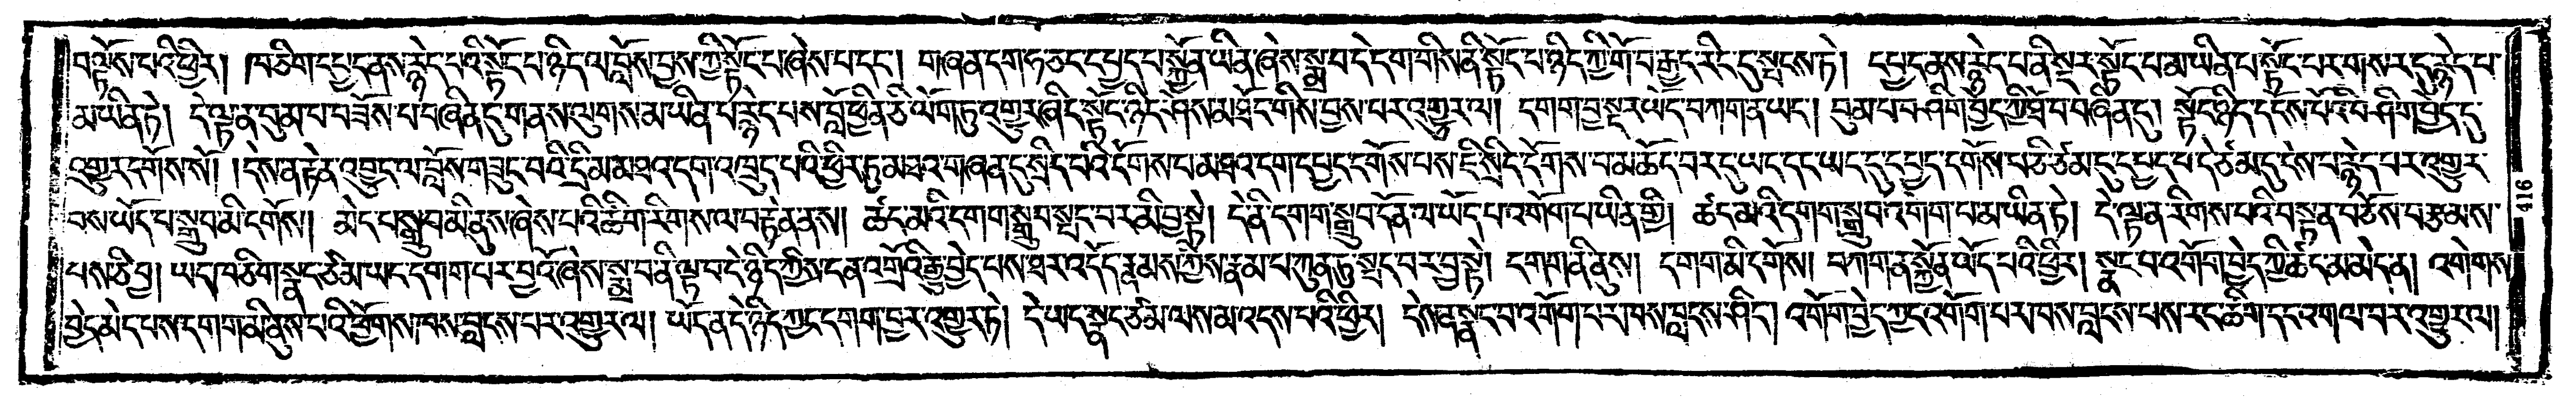བལྟོས་པའི་ཕྱིར། ཁ་ཅིག་དཔྱད་ནས་རྙེད་པའི་སྟོང་པ་ཉིད་ལ་བློས་བྱས་ཀྱི་སྟོང་པ་ཞེས་པ་དང་། གཞན་དག་ཧ་ཅང་དཔྱད་པ་སྐྱོན་ཡིན་ཞེས་སྨྲ་བ་དེ་དག་གིས་ནི་སྟོང་པ་ཉིད་ཀྱི་གོ་བ་རྒྱད་རིང་དུ་སྤངས་ཏེ། དཔྱད་ནས་རྙེད་པ་ནི་སྔར་སྟོང་པ་མ་ཡིན་པ་སྟོང་པར་གསར་དུ་རྙེད་པ་
མ་ཡིན་ཏེ། དེ་ལྟ་ན་བུམ་པ་བཟོས་པ་བཞིན་དུ་གནས་ལུགས་མ་ཡིན་པ་རྙེད་པས་བློ་ཕྱིན་ཅི་ལོག་ཏུ་འགྱུར་ཞིང་སྟོང་ཉིད་ཤེས་མཐོང་གིས་བྱས་པར་འགྱུར་ལ། དགག་བྱ་སྔར་ཡོད་བཀག་ན་ཡང་། བུམ་པ་བཤིག་བྱེད་ཀྱི་ཐོ་བ་བཞིན་དུ། སྟོང་ཉིད་དངོས་པོའི་བཤིག་བྱེད་དུ་
འགྱུར་དགོས་སོ། །དེས་ན་རྟེན་འབྱུང་ལ་བློས་གཟུང་བའི་དྲི་མ་མཐའ་དག་འཁྲུད་པའི་ཕྱིར་ཏུ་མཐའ་གཞན་དུ་སྲིད་པའི་དོགས་པ་མཐའ་དག་དཔྱད་དགོས་པས་ཇི་སྲིད་དོགས་པ་མཆོད་པར་དུ་ཡང་དང་ཡང་དུ་དཔྱད་དགོས་པ་ཅི་ཙམ་དུ་དཔྱད་པ་དེ་ཙམ་དུ་ངེས་པ་རྙེད་པར་འགྱུར་
བས་ཡོད་པ་སྒྲུབ་མི་དགོས། མེད་པ་སྒྲུབ་མི་ནུས་ཞེས་པའི་ཚིག་རིགས་ལ་བརྟེན་ནས། ཚད་མའི་དགག་སྒྲུབ་སྤང་བར་མི་བྱ་སྟེ། དེ་ནི་དགག་སྒྲུབ་དོན་ལ་ཡོད་པ་འགོག་པ་ཡིན་གྱི། ཚད་མའི་དགག་སྒྲུབ་འགག་པ་མ་ཡིན་ཏེ། དེ་ལྟ་ན་རིགས་པའི་བསྟན་བཅོས་བརྩམས་
པས་ཅི་བྱ། ཡང་ཁ་ཅིག་སྣང་ཙམ་ཡང་དགག་པར་བྱའོ་ཞེས་སྨྲ་བ་ནི་ལྟ་བ་དེ་ཉིད་ཀྱིས་ངན་འགྲོའི་རྒྱུ་བྱེད་པས་ཐར་འདོད་རྣམས་ཀྱིས་རྣམ་པ་ཀུན་ཏུ་སྤང་བར་བྱ་སྟེ། དགག་མི་ནུས། དགག་མི་དགོས། བཀག་ན་སྐྱོན་ཡོད་པའི་ཕྱིར། སྣང་བ་འགོག་བྱེད་ཀྱི་ཚད་མ་མེད་ན། འགེགས་
བྱེད་མེད་པས་དགག་མི་ནུས་པའི་ཕྱོགས་ཁས་བླངས་པར་འགྱུར་ལ། ཡོད་ན་དེ་ཉིད་ཀྱང་དགག་བྱར་འགྱུར་ཏེ། དེ་ཡང་སྣང་ཙམ་ལས་མ་འདས་པའི་ཕྱིར། དེས་ན་སྣང་བ་འགོག་པར་ཁས་བླངས་ཤིང་། འགོག་བྱེད་ཀྱང་འགོག་པར་ཁས་བླངས་པས་རང་ཚིག་དང་འགལ་བར་འགྱུར་ལ།